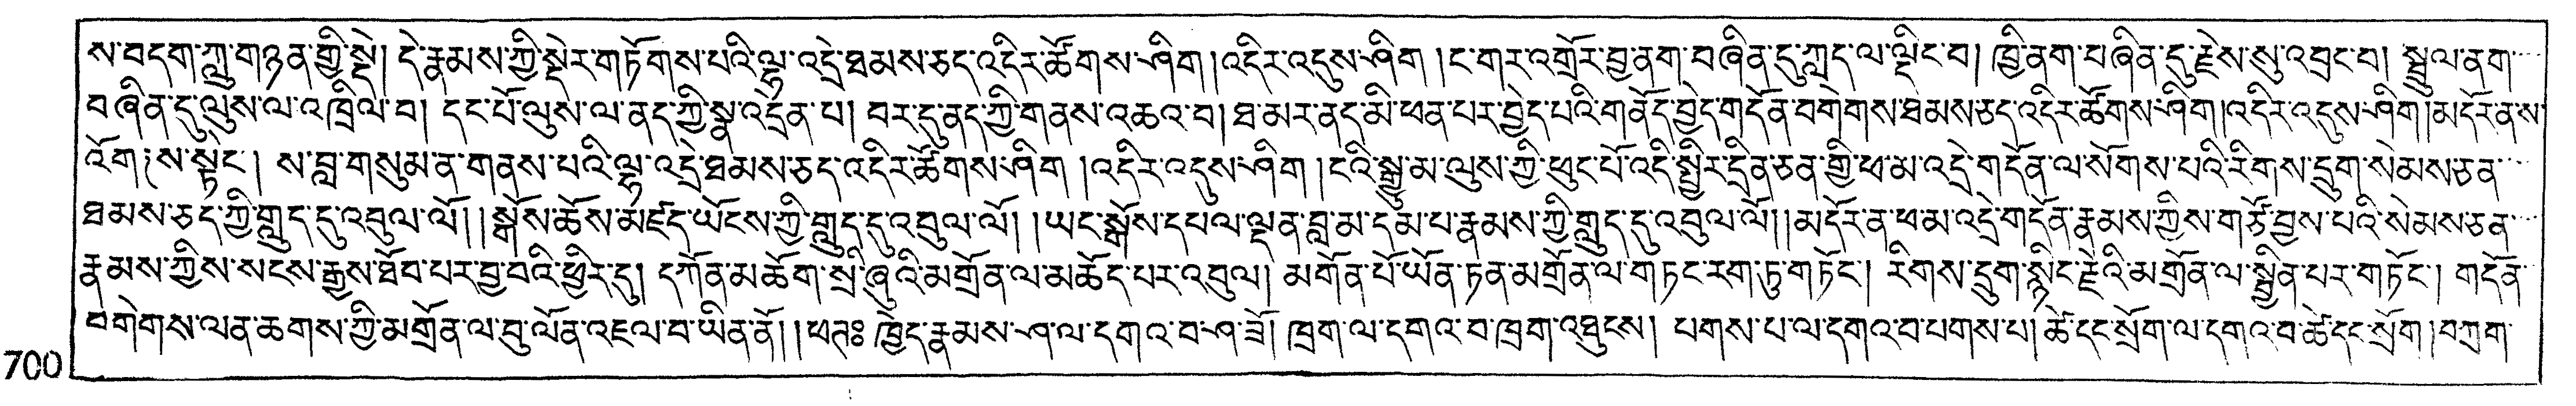ས་བདག་ཀླུ་གཉན་གྱི་སྡེ། དེ་རྣམས་ཀྱི་སྡེར་གཏོགས་པའི་ལྷ་འདྲེ་ཐམས་ཅད་འདིར་ཚོགས་ཤིག །འདིར་འདུས་ཤིག །ང་གར་འགྲོར་བྱ་ནག་བཞིན་དུ་ཀླད་ལ་ལྡིང་བ། ཁྱི་ནག་བཞིན་དུ་རྗེས་སུ་འབྲང་བ། སྦྲུལ་ནག་
བཞིན་དུ་ལུས་ལ་འཁྲིལ་བ། དང་པོ་ལུས་ལ་ནད་ཀྱི་སྣ་འདྲེན་པ། བར་དུ་ནད་ཀྱི་གནས་འཆའ་བ། ཐ་མར་ནད་མི་ཕན་པར་བྱེད་པའི་གནོད་བྱེད་གདོན་བགེགས་ཐམས་ཅད་འདིར་ཚོགས་ཤིག །འདིར་འདུས་ཤིག །མདོར་ནས་
འོག ༑ས་སྟེང་། ས་བླ་གསུམ་ན་གནས་པའི་ལྷ་འདྲེ་ཐམས་ཅད་འདིར་ཚོགས་ཤིག །འདིར་འདུས་ཤིག །ངའི་སྒྱུ་མ་ལུས་ཀྱི་ཕུང་པོ་འདི་སྤྱིར་དྲིན་ཅན་གྱི་ཕ་མ་འདྲེ་གདོན་ལ་སོགས་པའི་རིགས་དྲུག་སེམས་ཅན་
ཐམས་ཅད་ཀྱི་གླུད་དུ་འབུལ་ལོ། །སྒོས་ཆོས་མཛད་ཡོངས་ཀྱི་གླུད་དུ་འབུལ་ལོ། །ཡང་སྒོས་དཔལ་ལྡན་བླ་མ་དམ་པ་རྣམས་ཀྱི་གླུད་དུ་འབུལ་ལོ། །མདོར་ན་ཕ་མ་འདྲེ་གདོན་རྣམས་ཀྱིས་གཙོ་བྱས་པའི་སེམས་ཅན་
རྣམས་ཀྱིས་སངས་རྒྱས་ཐོབ་པར་བྱ་བའི་ཕྱིར་དུ། དཀོན་མཆོག་སྲི་ཞུའི་མགྲོན་ལ་མཆོད་པར་འབུལ། མགོན་པོ་ཡོན་ཏན་མགྲོན་ལ་གཏང་རག་ཏུ་གཏོང་། རིགས་དྲུག་སྙིང་རྗེའི་མགྲོན་ལ་སྦྱིན་པར་གཏོང་། གདོན་
བགེགས་ལན་ཆགས་ཀྱི་མགྲོན་ལ་བུ་ལོན་འཇལ་བ་ཡིན་ནོ། །ཕཊཿ ཁྱེད་རྣམས་ཤ་ལ་དགའ་བ་ཤ་ཟོ། ཁྲག་ལ་དགའ་བ་ཁྲག་འཐུངས། པགས་པ་ལ་དགའ་བ་པགས་པ། ཚེ་དང་སྲོག་ལ་དགའ་བ་ཚེ་དང་སྲོག །བཀྲག་